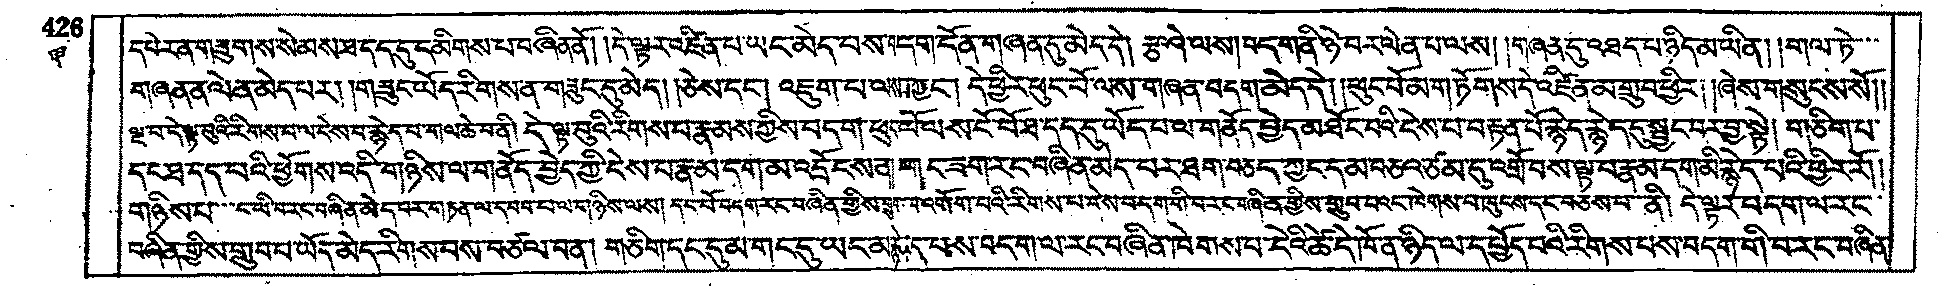དཔེར་ན་གཟུགས་སེམས་ཐ་དད་དུ་དམིགས་པ་བཞིན་ནོ། །དེ་ལྟར་འཛིན་པ་ཡང་མེད་པས་བདག་དོན་གཞན་དུ་མེད་དེ། རྩ་ཤེ་ལས། བདག་ནི་ཉེ་བར་ལེན་པ་ལས། །གཞན་དུ་འཐད་པ་ཉིད་མ་ཡིན། །གལ་ཏེ་
གཞན་ན་ལེན་མེད་པར། །གཟུང་ཡོད་རིགས་ན་གཟུང་དུ་མེད། །ཅེས་དང་། འཇུག་པ་ལས་ཀྱང་། དེ་ཕྱིར་ཕུང་པོ་ལས་གཞན་བདག་མེད་དེ། །ཕུང་པོ་མ་གཏོགས་དེ་འཛིན་མ་གྲུབ་ཕྱིར། །ཞེས་གསུངས་སོ། །
ལྔ་པ་དེ་ལྟ་བུའི་རིགས་པ་ལ་ངེས་པ་རྙེད་པ་གལ་ཆེ་བ་ནི།  དེ་ལྟ་བུའི་རིགས་པ་རྣམས་ཀྱིས་བདག་ཕུང་པོ་ལས་ངོ་བོ་ཐ་དད་དུ་ཡོད་པ་ལ་གནོད་བྱེད་མཐོང་བའི་ངེས་པ་བརྟན་པོ་རྙེད་རྙེད་དུ་སྦྱང་བར་བྱ་སྟེ། གཅིག་པ་
དང་ཐ་དད་པའི་ཕྱོགས་འདི་གཉིས་ལ་གནོད་བྱེད་ཀྱི་ངེས་པ་རྣམ་དག་མ་འདྲོངས་ན། གང་ཟག་རང་བཞིན་མེད་པར་ཐག་བཅད་ཀྱང་དམ་བཅའ་ཙམ་དུ་འགྲོ་བས་ལྟ་བ་རྣམ་དག་མི་རྙེད་པའི་ཕྱིར་རོ། །
གཉིས་པང་ཡི་བ་རང་བཞིན་མེད་པར་གཏན་ལ་དབབ་པ་ལ་གཉིས་ལས། དང་པོ་བདག་རང་བཞིན་གྱིས་གྲུབ་པ་འགོག་པའི་རིགས་པ་དེས་བདག་གི་བ་རང་བཞིན་གྱིས་གྲུབ་པའང་ཁེགས་བ་ཁུངས་དང་བཅས་པནི། །དེ་ལྟར་བདག་ལ་རང་
བཞིན་གྱིས་གྲུབ་པ་ཡོད་མེད་རིགས་པས་བཙལ་བ་ན། གཅིག་དང་དུ་མ་གང་དུ་ཡང་མ་རྙེད་པས་བདག་ལ་རང་བཞིན་ཁེགས་པ་དེའི་སེ་དེ་ཁོ་ན་ཉིད་ལ་དཔྱོད་པའི་རིགས་པས་བདག་གི་བ་རང་བཞིན་